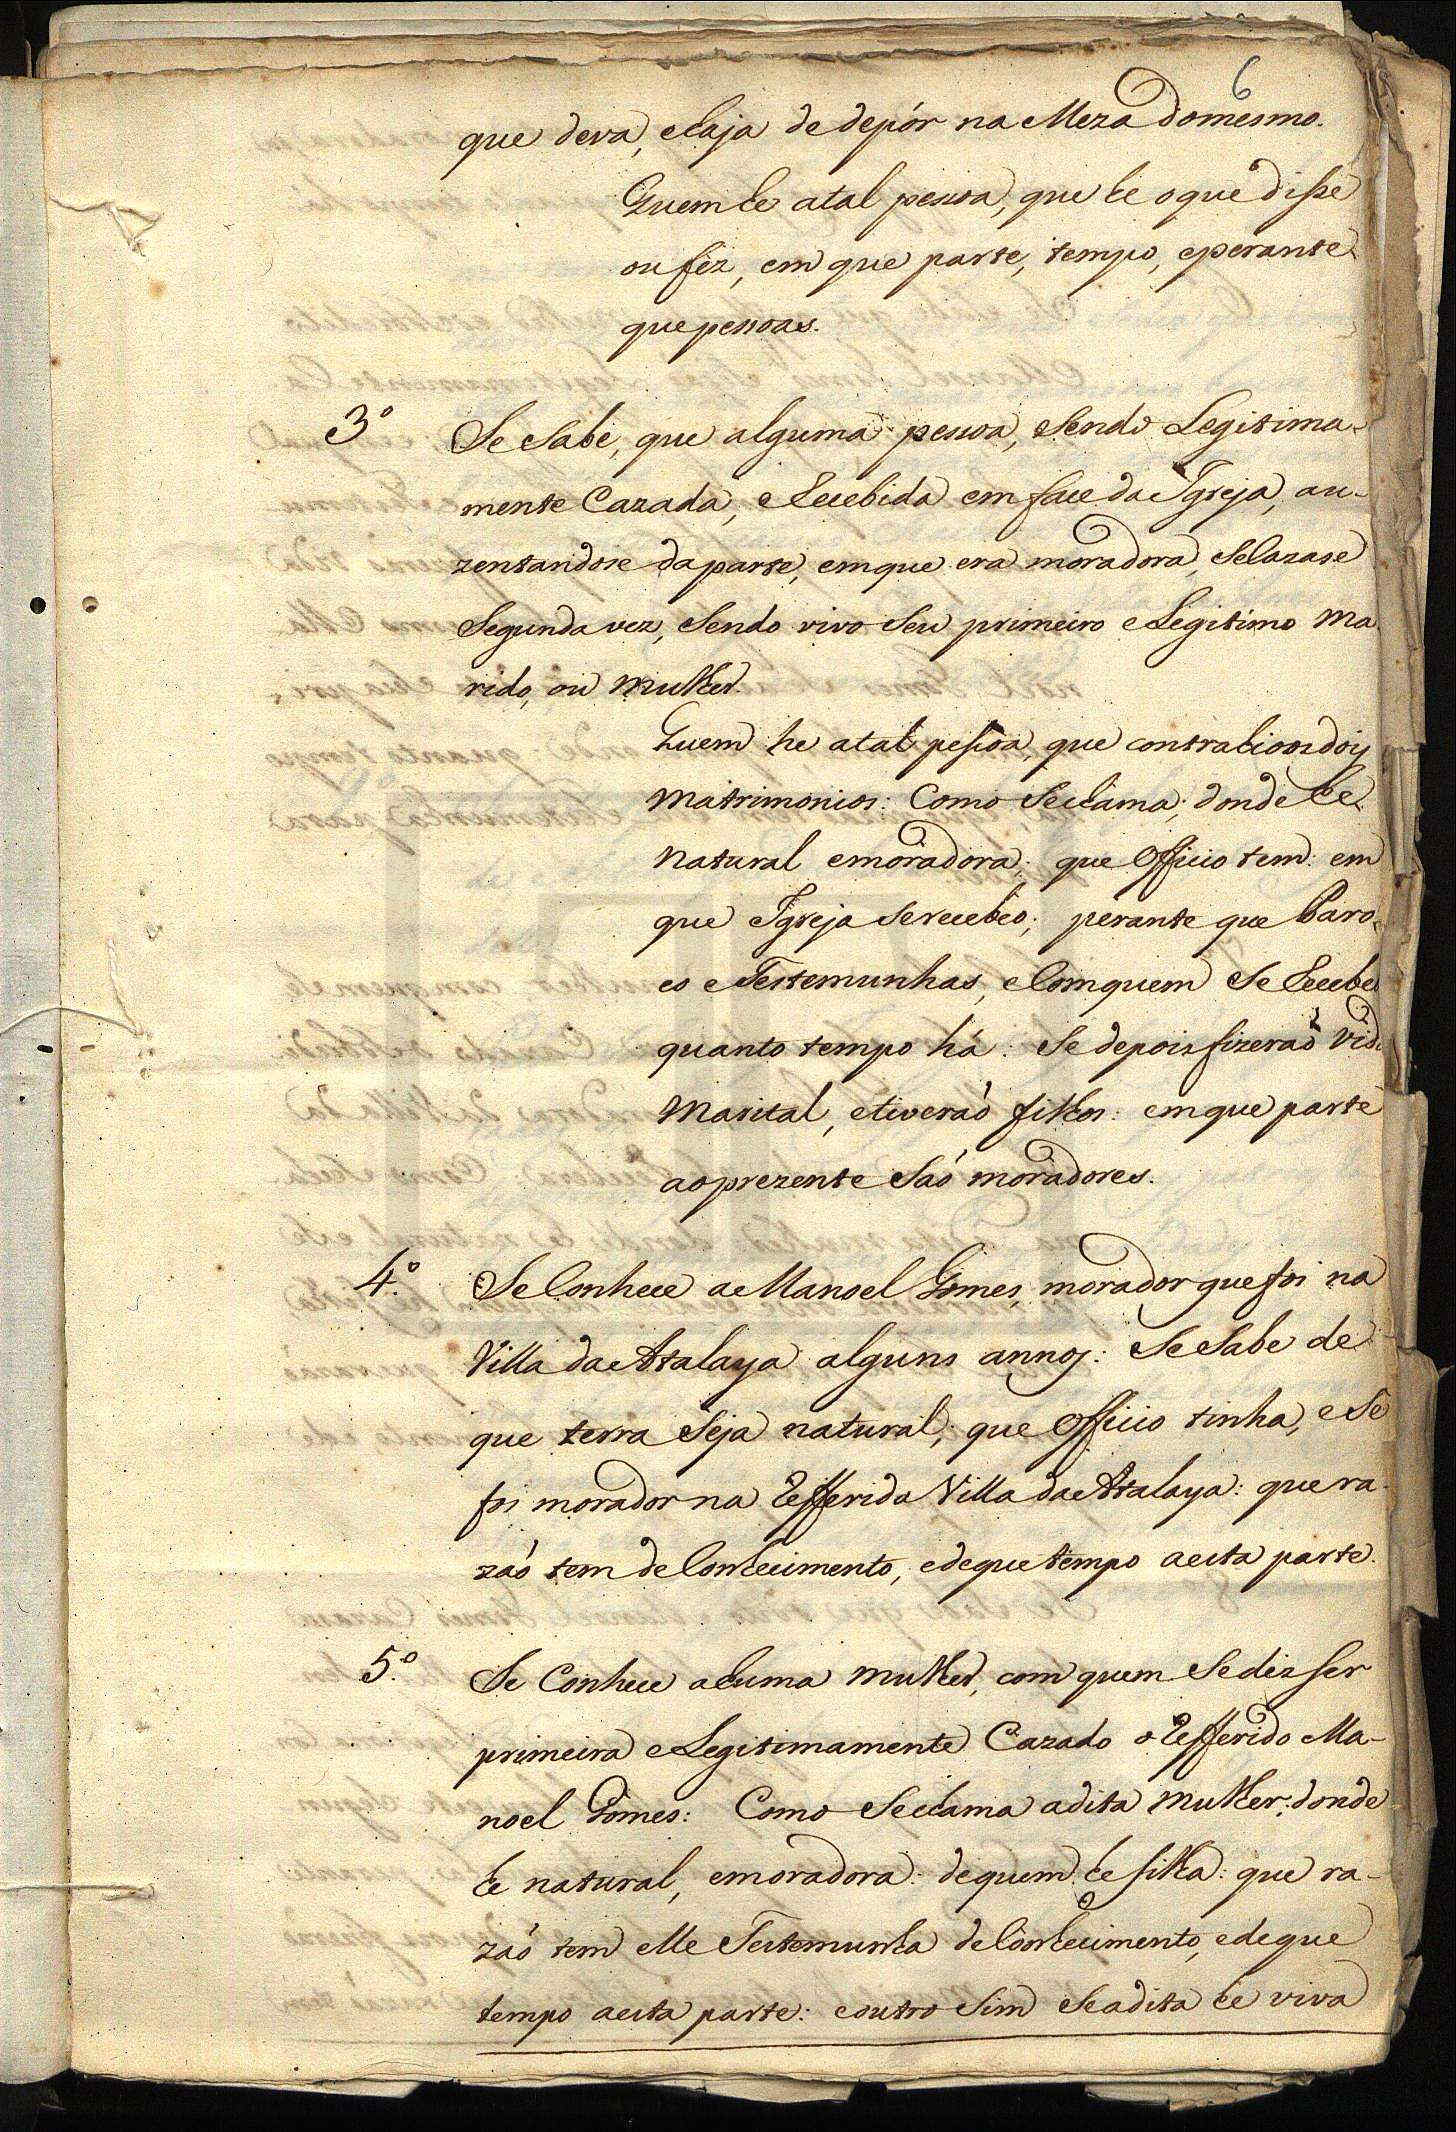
3o
4.o
5.o
que deva, e haja de depór na Meza do mesmo.
Quem he a tal pessoa, que he o que disse
ou fez, em que parte, tempo, e perante
que pessoas.
Se Sabe, que alguma pessoa, Sendo Legitima
mente cazada, e Recebida em face da Igreja au
zentandose da parte, em que era moradora Se Cazase
Segunda vez, Sendo vivo Seu primeiro e Legitimo ma
rido, ou mulher
Quem he a tal pessoa, que contrahio os dois
matrimonios: como se chama; donde He
natural e moradora; que officio tem. em
que Igreja se recebeo; perante que Paro
co e testemunhas, e Com quem se Recebeo
quanto tempo há: Se depois fizeraõ vid
marital, e tiveraõ filhos: em que parte
ao prezente Saõ moradores.
Se Conhece a Manoel Gomes, morador que foi na
Villa da Atalaya alguns annos: Se Sabe de
que terra Seja natural, que officio tinha, e Se
foi morador na Refferida Villa da Atalaya: que ra
zaõ tem de Conhecimento, e de que tempo a esta parte.
Se conhece a huma mulher, com quem Se diz ser
primeira e Legitimamente cazado o Refferido Ma
noel Gomes: Como se chama a dita mulher; donde
he natural, e moradora. de quem he filha: que ra
zaõ tem elle Testemunha de Conhecimento, e de que
tempo a esta parte: e outroSim Se a dita he viva
